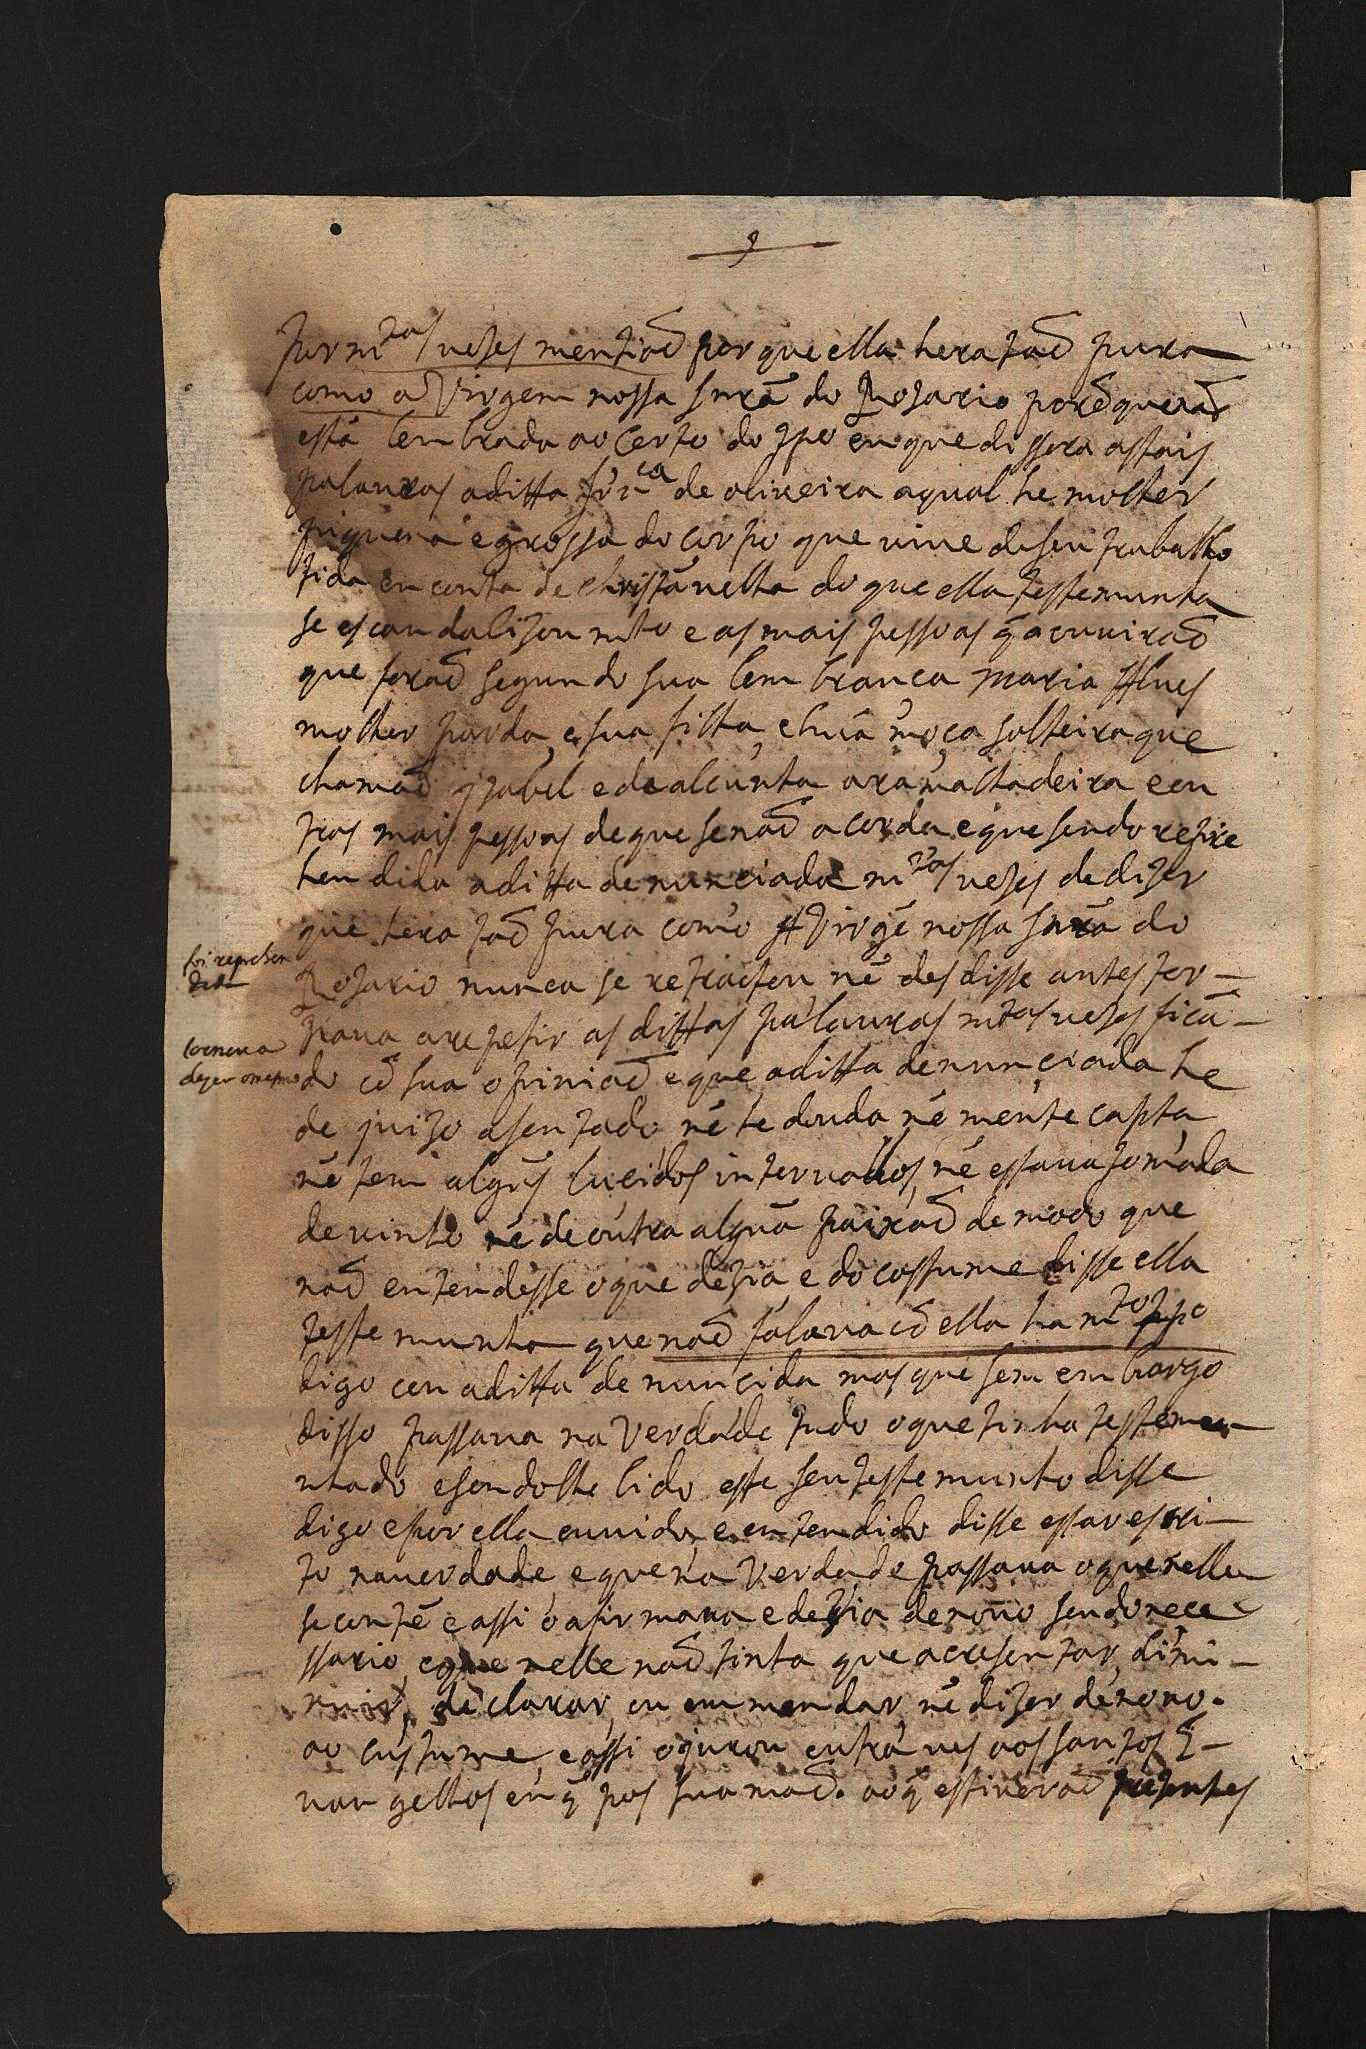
por mtas uezes mentiaõ porque ella hera taõ pura
como a Virgem nossa snrā do Rozario porē que naõ
está lembrada ao certo do tpo en que dissera as tais
palauras a ditta frnca de oliueira a qual he molher
piquena e grossa de corpo que uiue de seu trabalho
tida em conta de christã uelha do que ella testemunha
se escandalizou mto e as mais pessoas q̄ a ouuiraõ
que foraõ segundo sua lembrança maria Alues
molher parda e sua filha, e huã moça solteira que
chamaõ jsabel e de alcunha a ramalhadeira e ou
tras mais pessoas de que se não acorda e que sendo repre
hendida a ditta denunciada mtas uezes de dizer
que hera taõ pura como A Virgē nossa Snrā do
foi reprehen
Rozario nunca se retractem nē desdisse antes tor
dida
naua a repetir as dittas palauras mtas uezes ficā
tornou a
dizer o mesmo
do cō hua opinião e que a ditta denunciada he
de juizo asentado nē he douda nē mentecapta
nē tem algūs lucidos interuallos, nē estaua tomada
de uinho nē de outra alguã paixaõ de modo que
naõ entendesse o que dezia, e do costume disse ella
testemunha que naõ falaua cō ella ha mto tnpo
digo con a ditta denuncida mas que sem embargo
disso passaua na verdade tudo o que tinha testemu
nhado e sendolhe lido este seu testemunho disse
digo e por ella ouvido, e entendido disse estar escri
to na uerdade e que na verdade passaua o que nella
se contē e assi o afirmaua e dezia de nouo sendo nece
ssario, e que nelle naõ tinha que acresentar, dimi
nuir, declarar, ou emmendar nē dizer de nouo
ao custume e assi o jurou outra ues aos santos E
uangelhos em q̄ pos sua maõ ao q̄ estiueraõ prezentes
